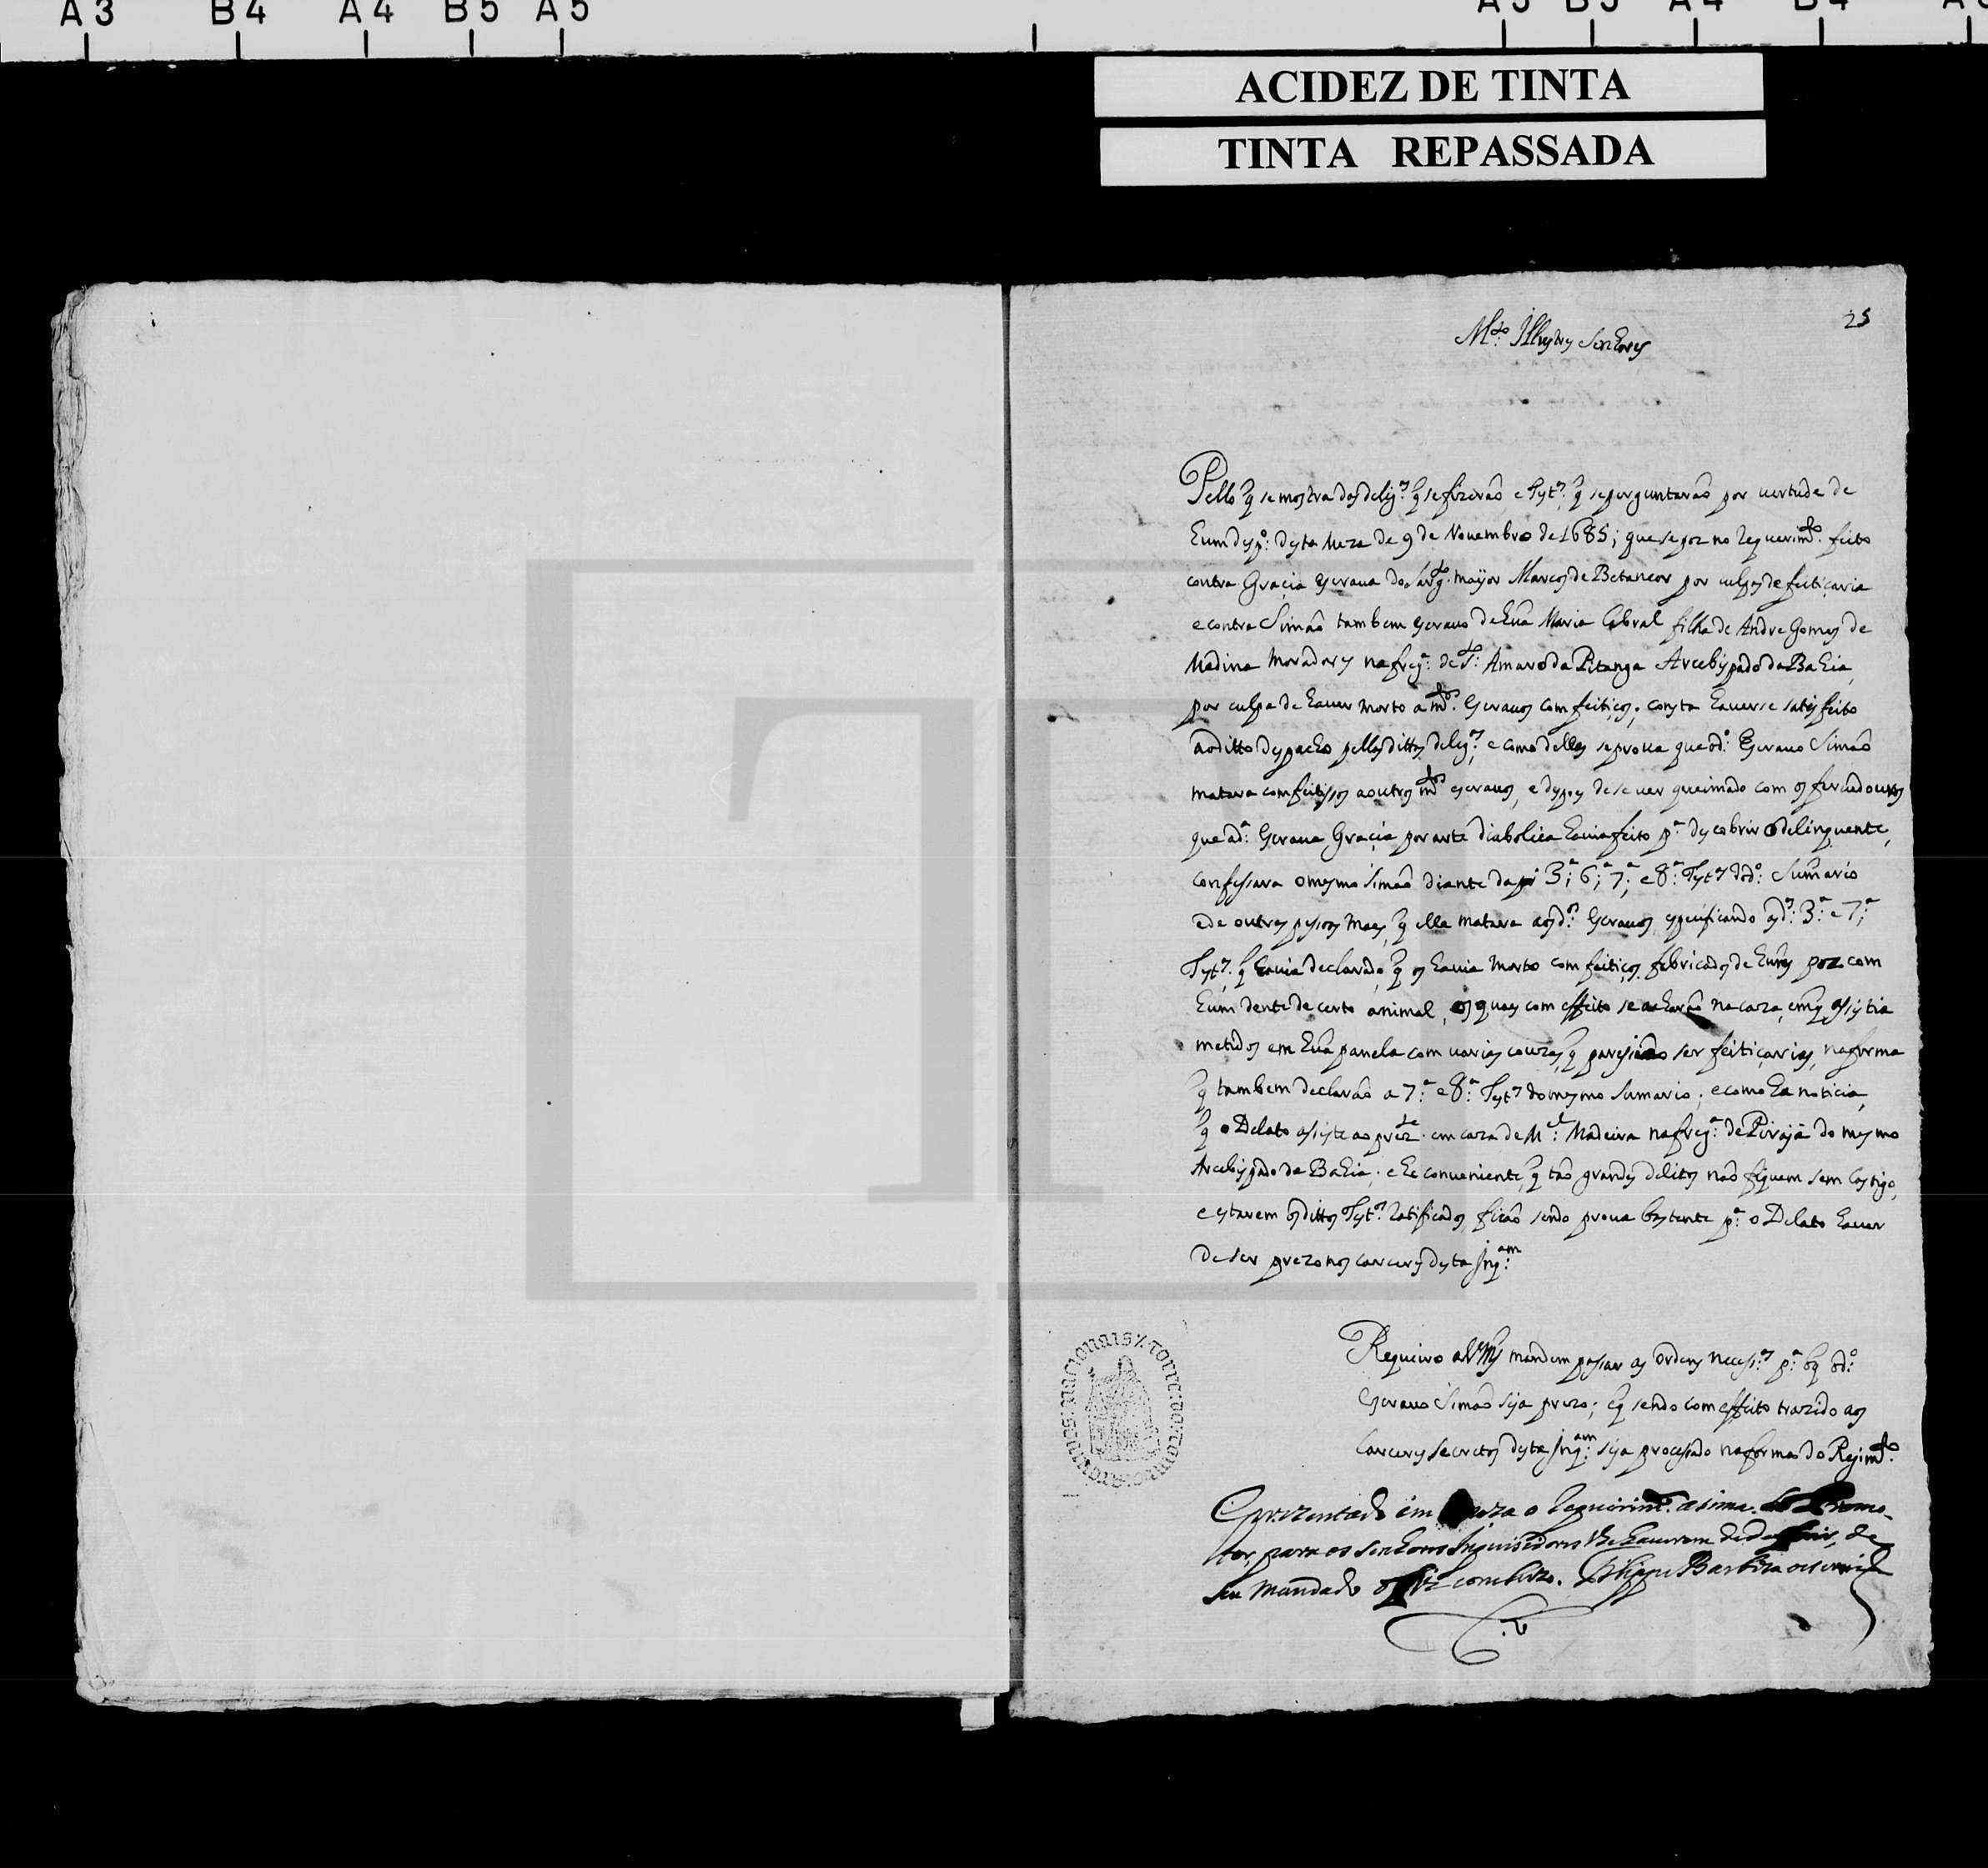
Mt:o Illustres Senhores
Pello q̄ se mostra das delig.as q̄ se fizeraõ e Testas. q̄ se perguntaraõ por uertude de
hum desp.o desta Meza de 9 de Nouembro de 1685; que se por no Requerim.to feito
contra Gracia escraua do Sarg.to mayor Marcos de Betancor por culpas de feitiçaria
e contra Simaõ tambem escrauo de huā Maria Cabral filha de Andre Gomes de
Medina moradores na frega: de S:to Amaro da Pitanga Arcebispado da Bahia,
por culpa de hauer morto a m.tos escrauos com feitiços; consta hauerse satisfeito
ao ditto despacho pellas dittas deligas; e como dellas se proua que o d.o Escrauo Simaõ
matava com feitissos a outros mtos escrauos, e despoes de se uer queimado com os feruedouros
que a d:a escraua Gracia por arte diabolica hauia feito p.a descobrir o delinquente,
confessara o mesmo Simaõ diante da pr 3a; 6a; 7a; e 8:a Testas. do do: Sum̄ario
e de outras pessoas maes, q̄ elle matava aos d:os escrauos especificando as das: 3:a e 7a;
Testas; q̄ hauia declarado, q̄ os hauia morto com feitiços, fabricados de hun̄s poz com
hum dente de certo animal, os quaes com effeito se acharaõ na caza, em q̄ assistia
metidos em huā panela com uarias couzas, q̄ paressião ser feitiçarias, na forma
q̄ tambem declarão a 7:a e 8:a Testas do mesmo Sumario; e como ha noticia,
q̄ o Delato assiste ao prez.te em caza de Me:l Madeira na freg:a de Piraja do mesmo
Arcebispado da Bahia; e he conueniente, q̄ taõ grandes delitos naõ fiquem sem castigo,
e estarem os dittos Test.os Ratificados, ficaõ sendo proua bastante p:a o Delato hauer
de ser prezo nos carceres desta Jnq:am
Requeiro a V Ms̄ mandem passar as ordens necess:as p:a o q̄ o d:o
escrauo Simão seja prezo; e q̄ sendo com effeito trazido aos
Carceres Secretos desta Jnq:am seja processado na forma do Regim.to
E prezentado em _eza o Requirim.to asima do Promo
tor, para os senhores Inquisidores lhe hauerem de deferir, de
seu mandado o fiz concluzo. Filippe Barboza o escreuj
C.lo
